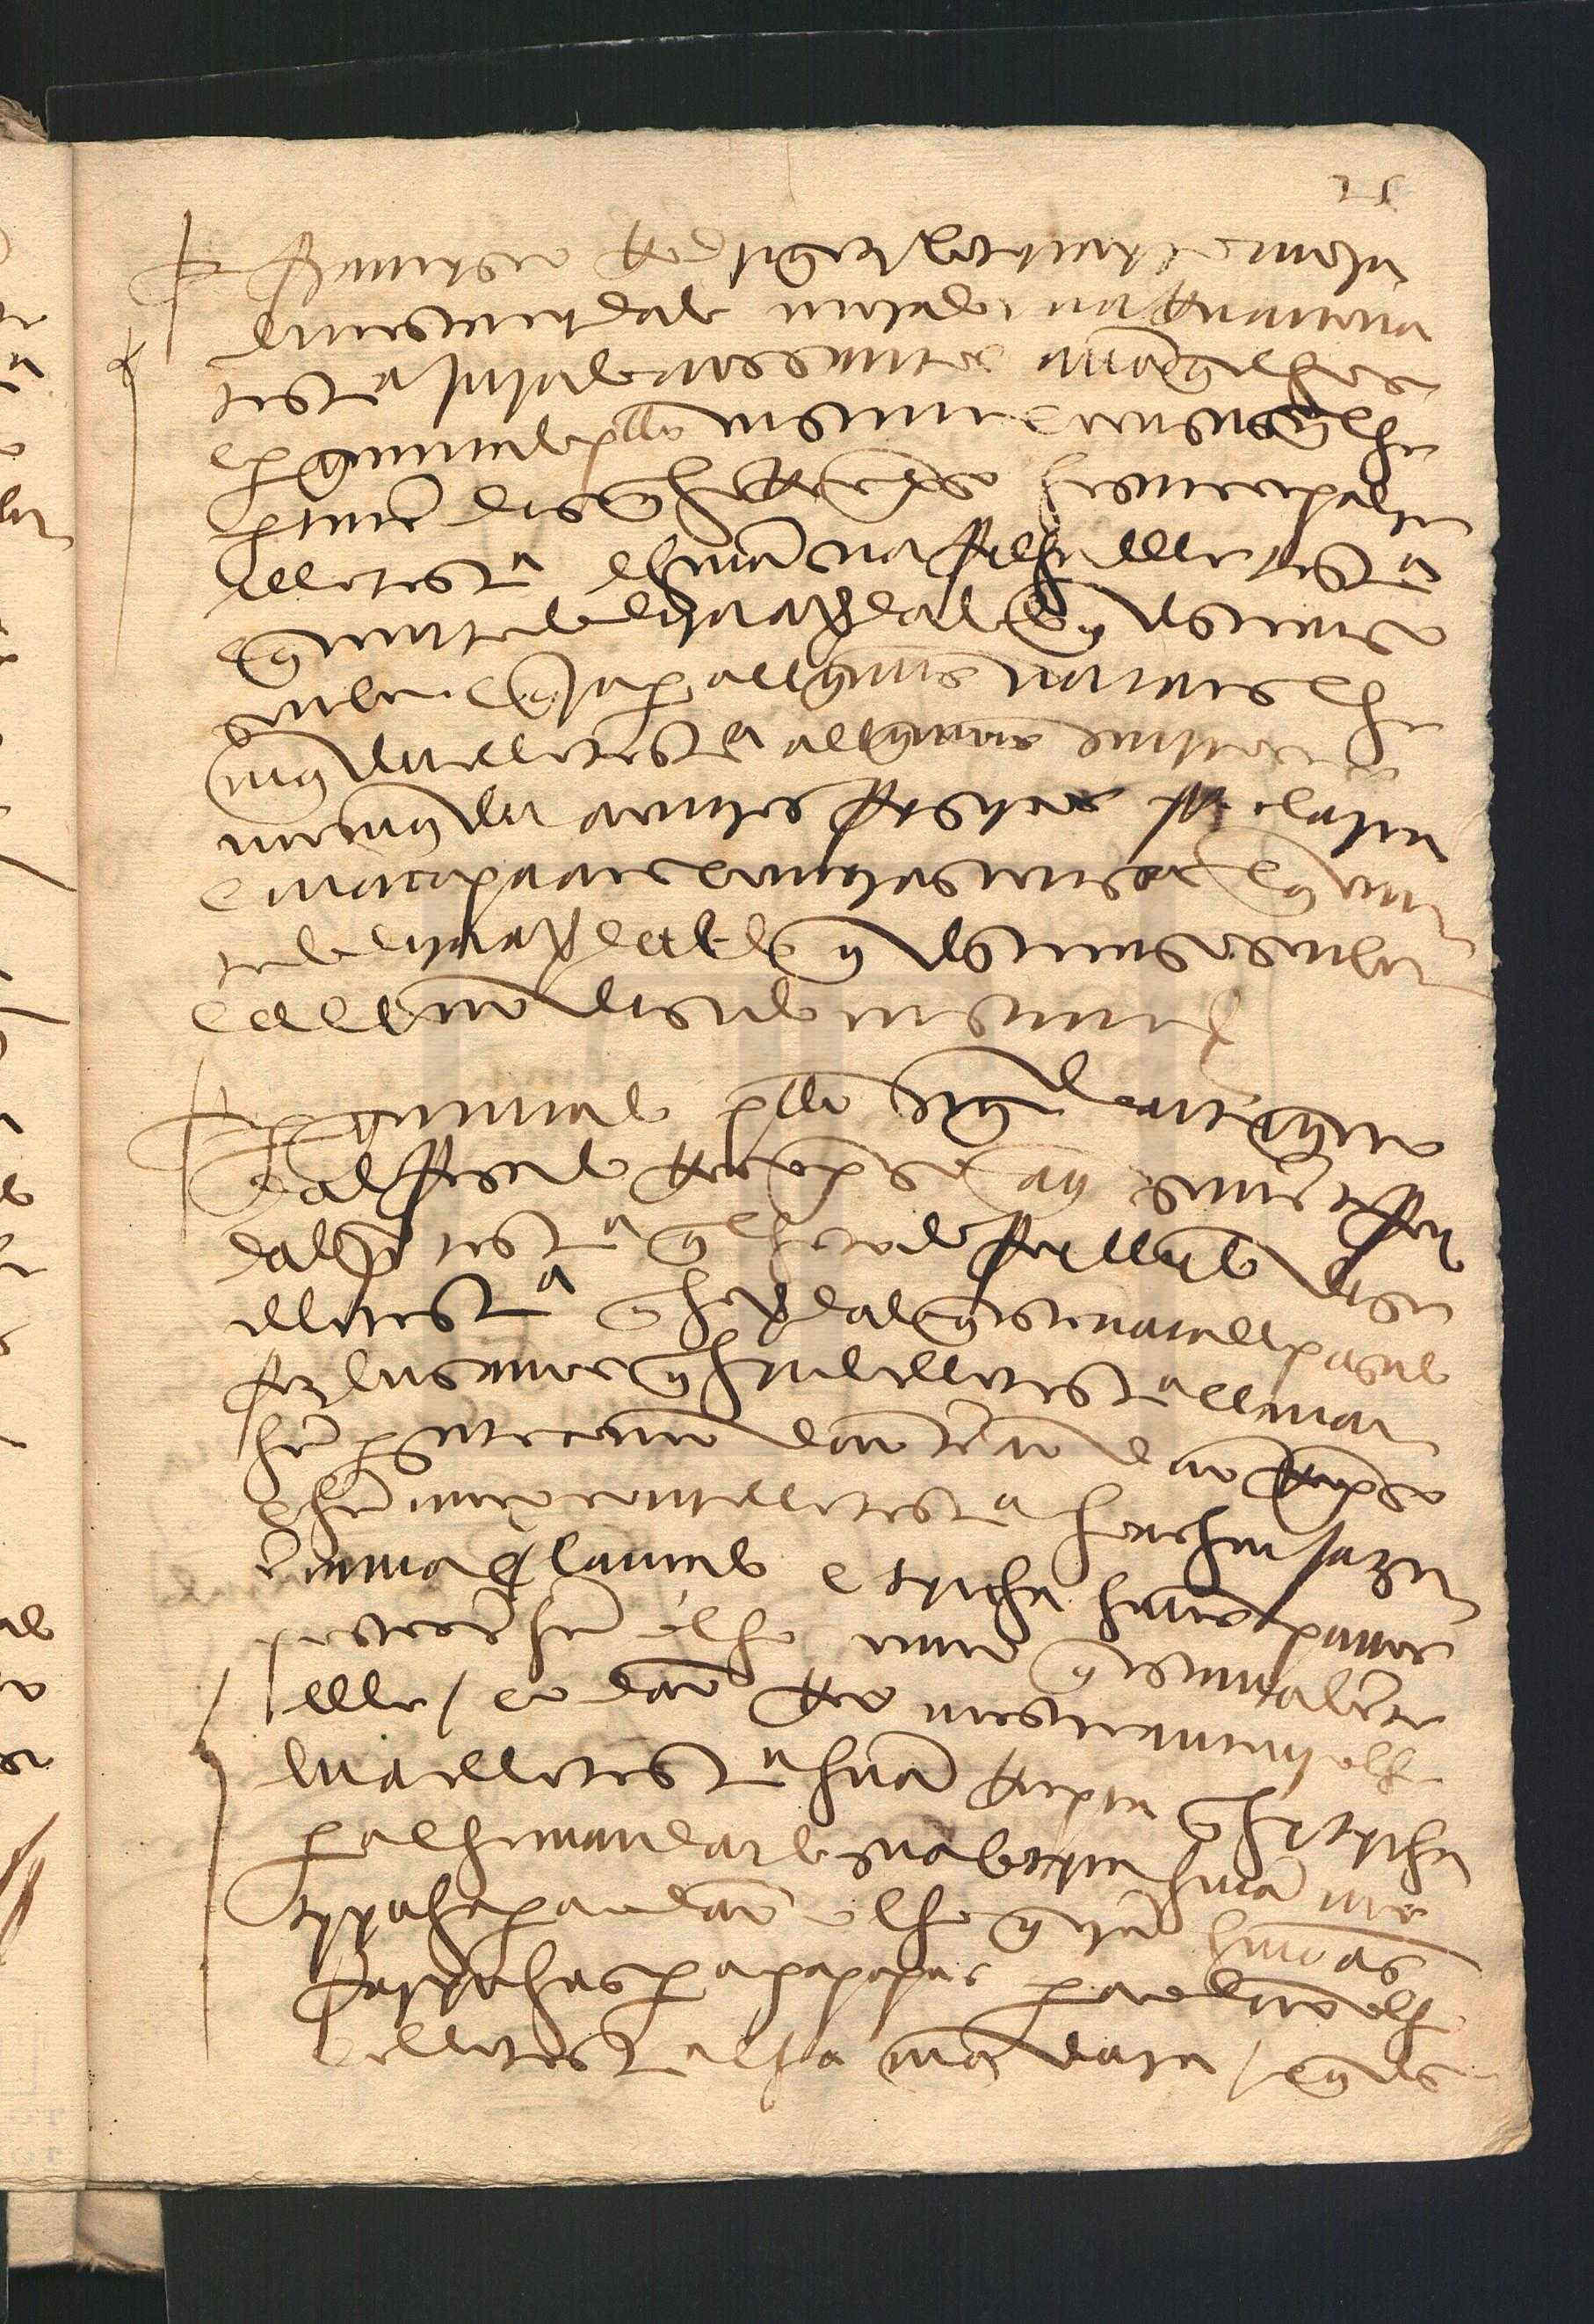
25
Rꝭ
item francysco Rodrigez botycayro mora
dor nesta cydade morador na Rua noua
testa Jurado aos santos auāgelhos
e ꝑguntado pl̄lo custume e cousas q̄ lhe
ꝑtencē dise q̄ ho Reo p̄so he seu conpadre
delle testa de huuā sua fylha delle testa
e q̄ comtodo dira a ꝟdade do q̄ deste caso
souber e q̄ Ja ꝑ allguūs nataes lhe
mādou elle testa allguuns serujcos co
mo mādou a outros fysycos .ss. clara
e macapaaes e outras cousas e q̄ com
todo dira a ꝟdade do q̄ deste caso souber
e all nō dise do custume
item ꝑguntado p̄llo segdo artyguo
da defesa do Reo p̄so a q̄ somēte foy
dado p̄o testa q̄ lhe todo foy llydo dise
elle testa q̄ he ꝟdade q̄ este natall pasado
fez dous anos q̄ hyndo elle testa lleuar
hū ꝑsente como dito tem ao dito Reo p̄so
e hū moço com elle testa ho achou Jazer
ē cama e lançado e tynha huūs panos
postos ē hū olho como q̄ estaua doēte
delle / e o dito Reo mestre antonjo lhe
deu a elle testa huā Recepta q̄ hy tynha
ꝑa lhe mandar de sua botyca huuā me
zynha ꝑa o dito olho q̄ erā hūuas
farynhas ꝑa papapas ꝑa o dito olho
e elle testa lha mandara / e q̄ des
